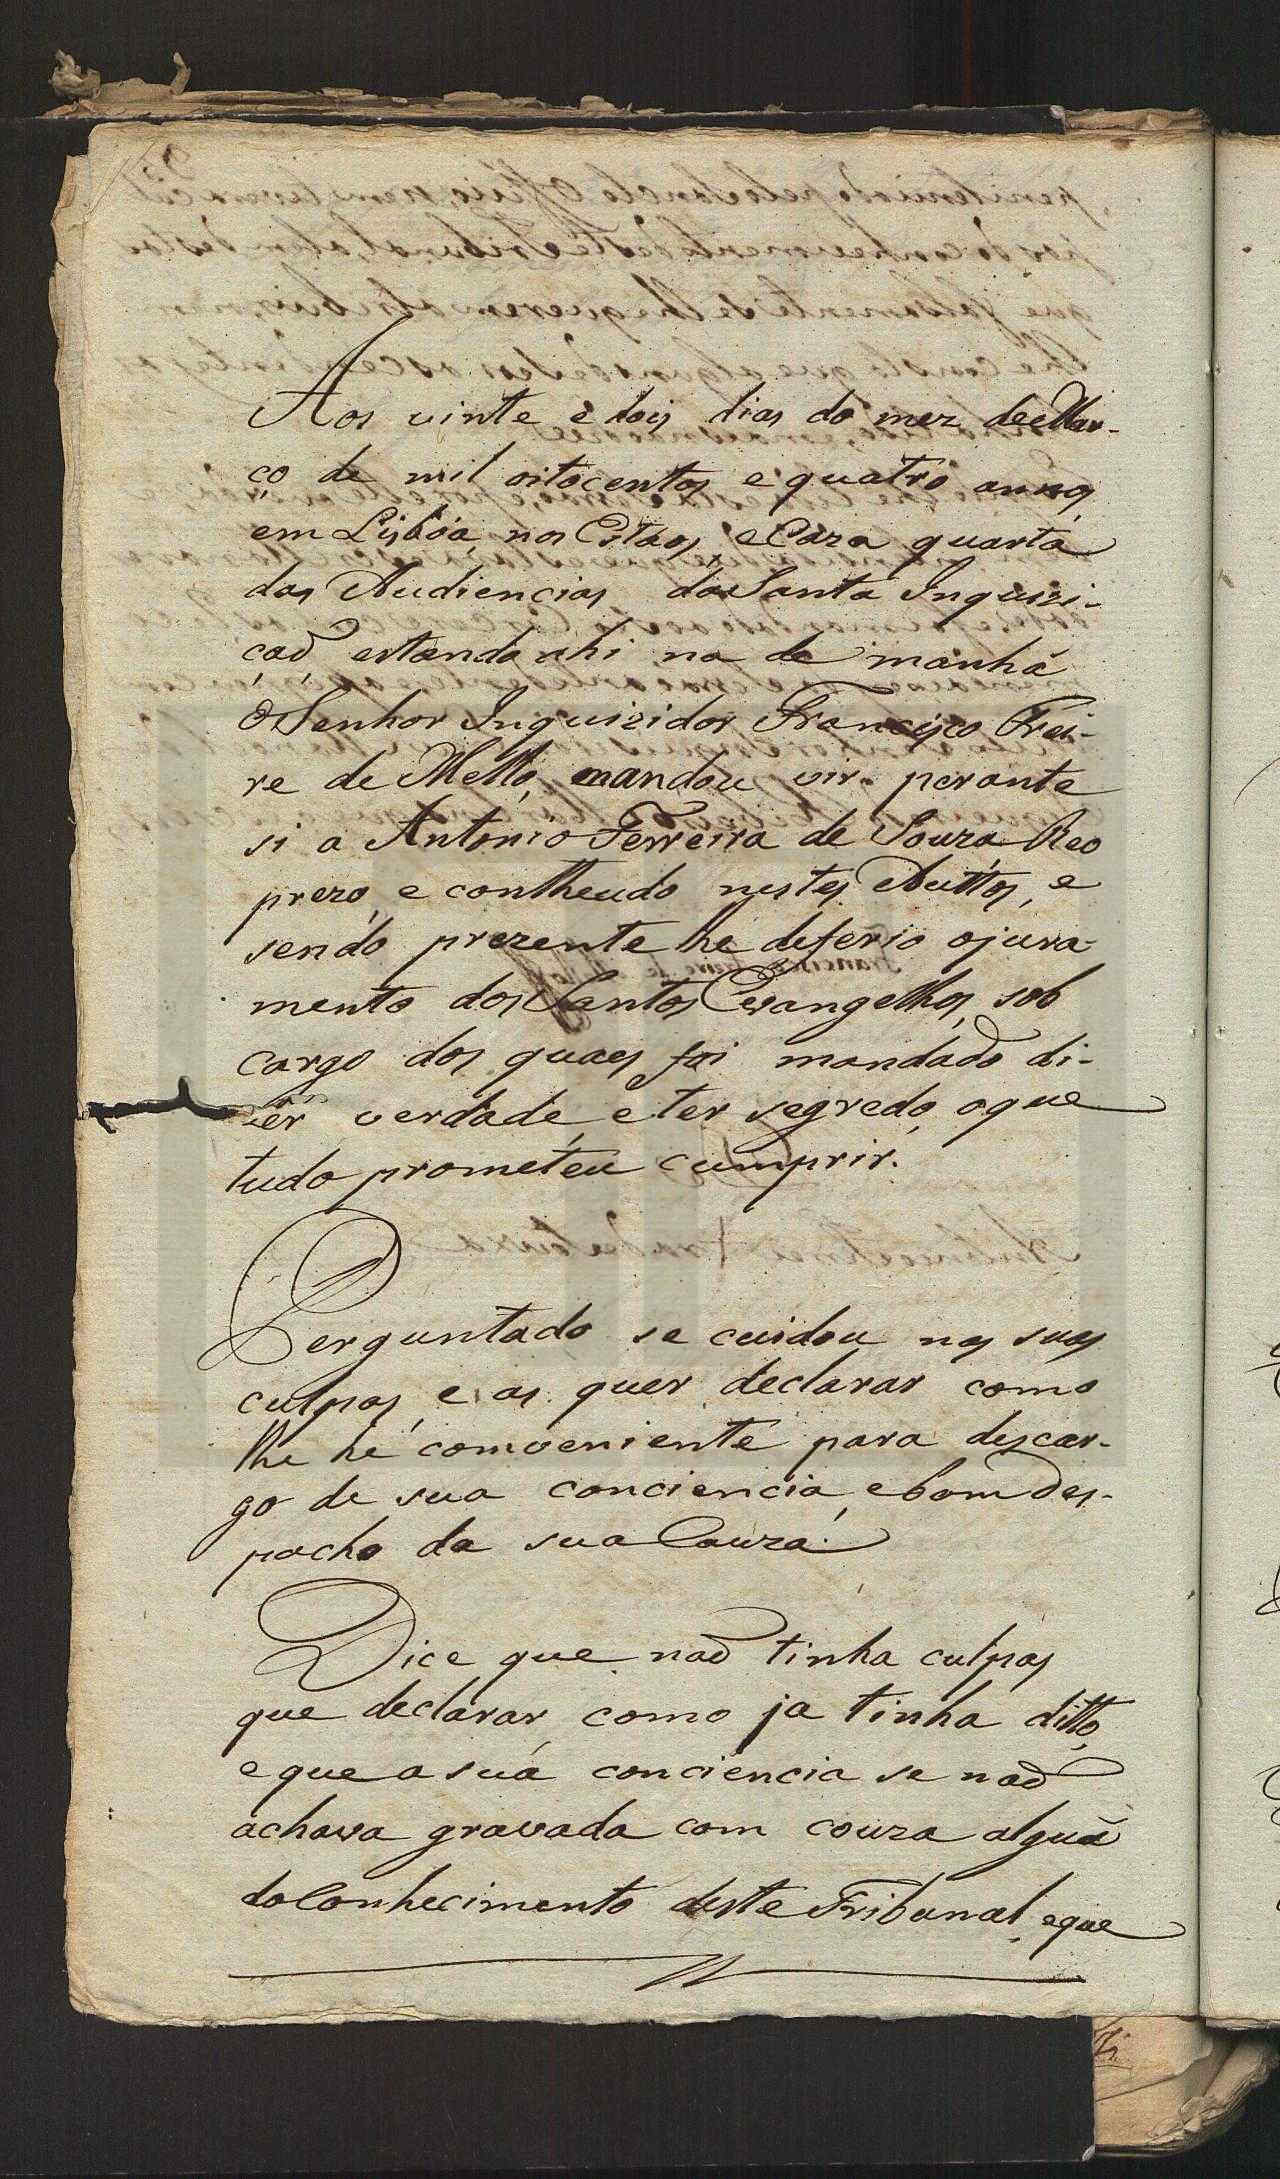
Aos vinte e dois dias do mez de Mar
ço de mil oitocentos e quatro annos
em Lisboa nos Estaos, e Caza quarta
das Audiencias da Santa Inquizi
çaõ, estando ahi na de manhã
o Senhor Inquizidor Francisco Frei
re de Mello, mandou vir perante
si a Antonio Ferreira de Souza Reo
prezo, e contheudo nestes Auttos, e
sendo prezente he deferio o jura
mento dos Santos Evangelhos, sob
cargo dos quaes foi mandado di
zer verdade, e ter segredo, o que
tudo prometeu cumprir.
Perguntado se cuidou nas suas
culpas, e as quer declarar como
lhe he comveniente para descar
go de sua conciencia, e bom des
pacho da sua Cauza.
Dice que naõ tinha culpas
que declarar como ja tinha ditto
e que a sua conciencia se naõ
achava gravada com couza alguā
do conhecimento deste Tribunal, e que
